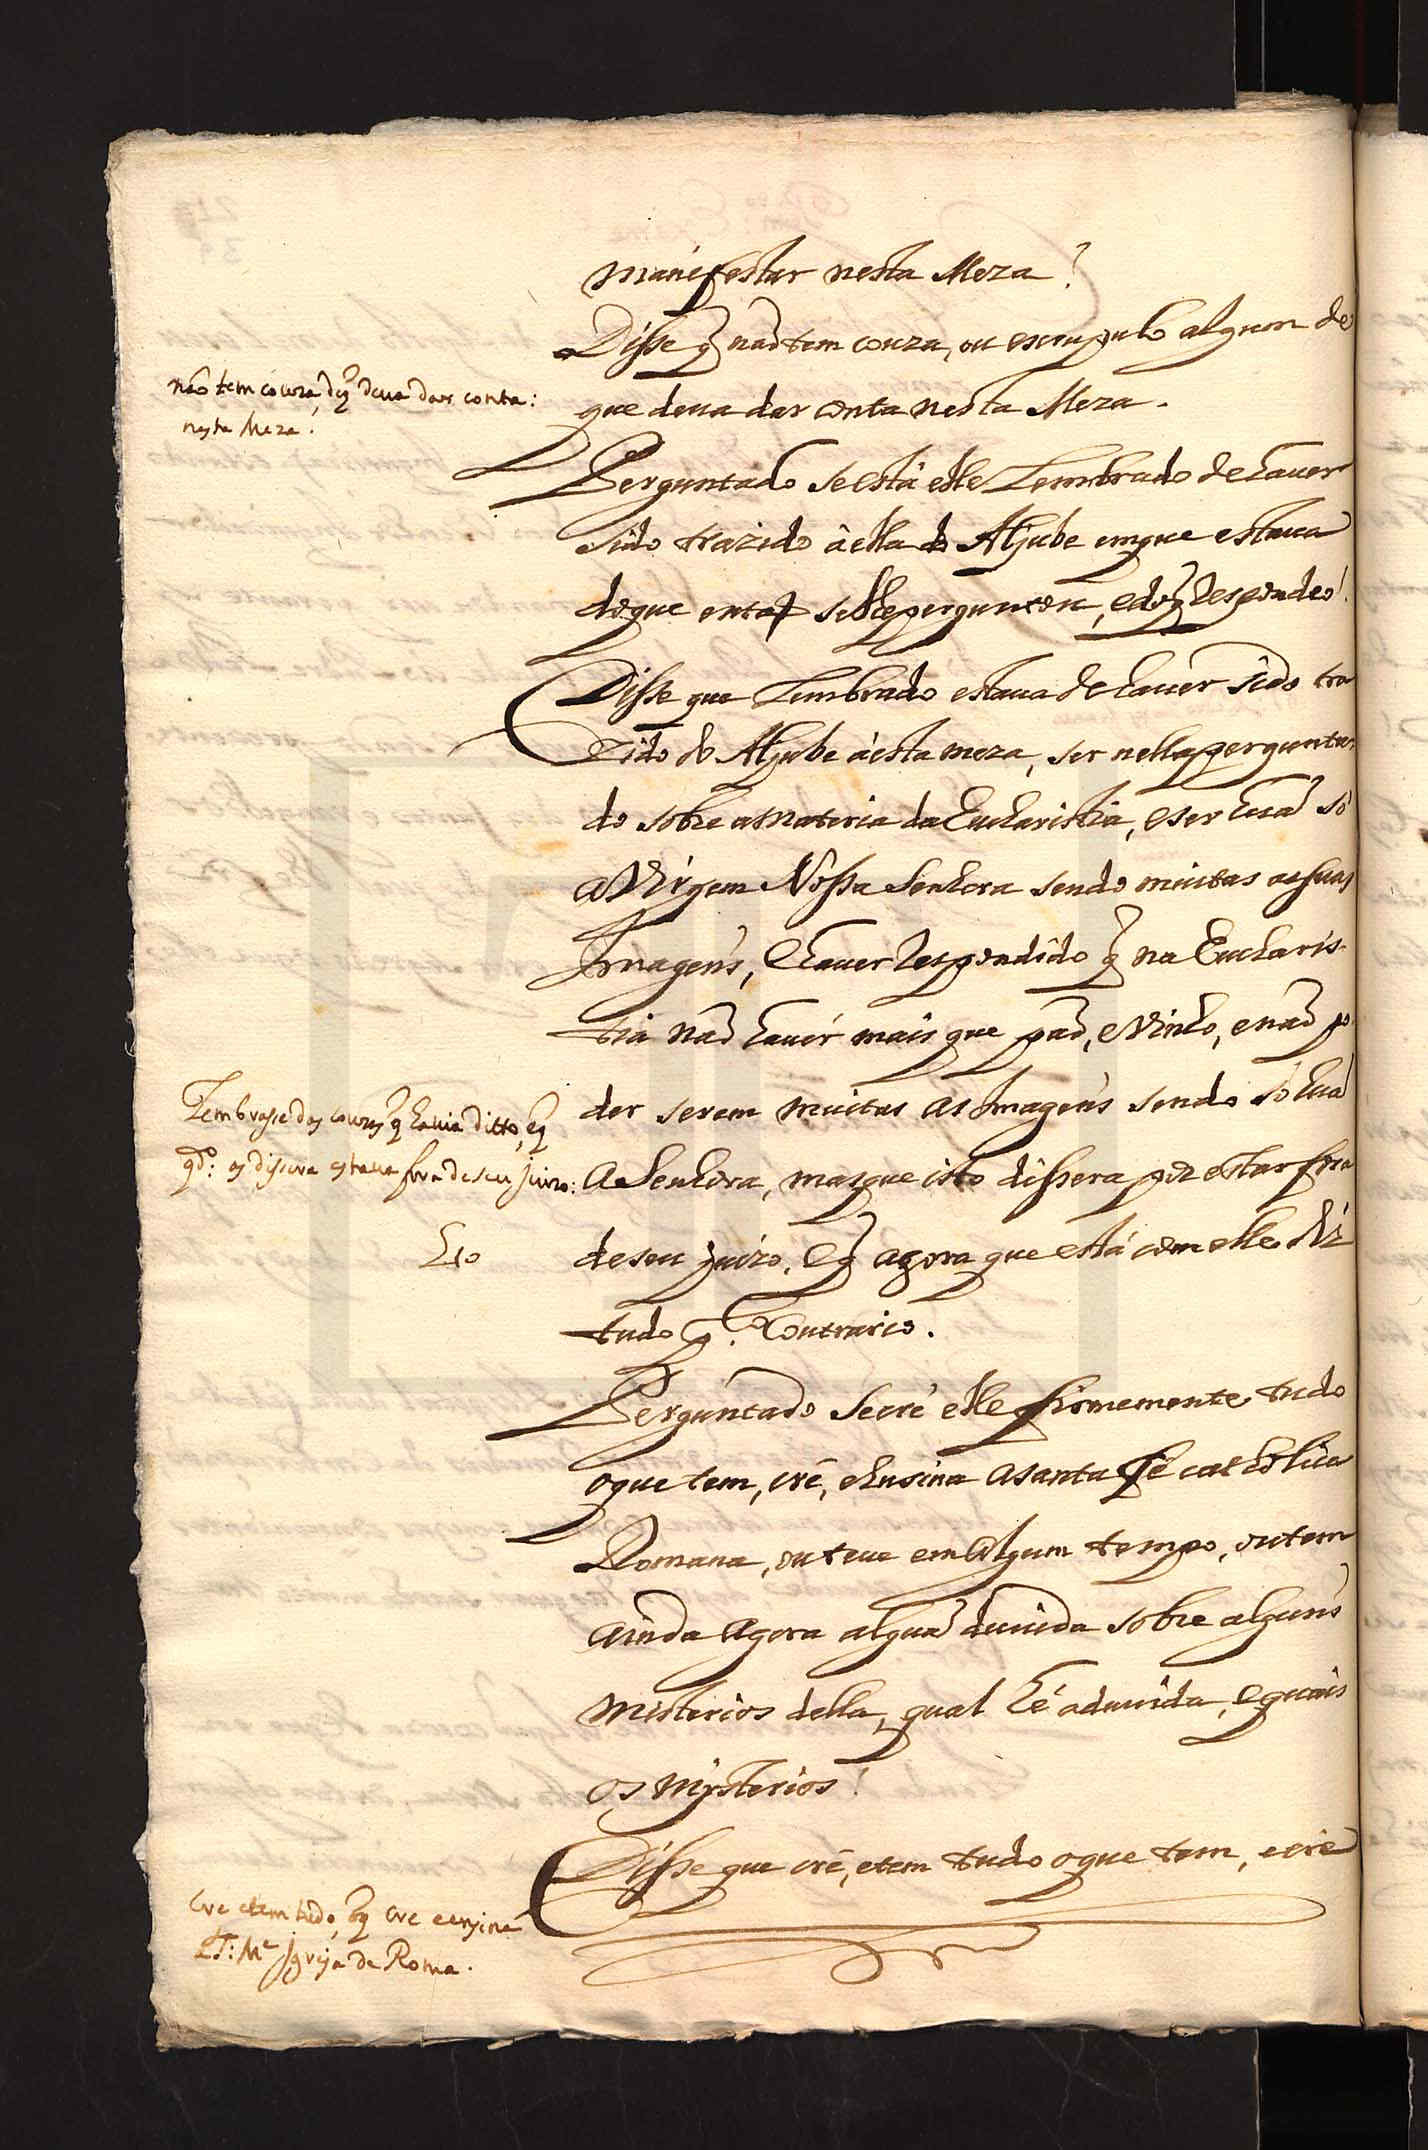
manifestar nesta Meza?
Disse q̄ naõ tem couza, ou escrupulo algum de
que deua dar conta nesta Meza.
Perguntado se está elle Lembrado de hauer
sido trazido à ella do Aljube em que estaua
do que entaõ se lhe perguntou, e do q̄ Respondeo?
Disse que Lembrado estaua de hauer sido tra
Zido do Aljube à esta meza, ser nella pergunta
do sobre a materia da Eucharistia, e ser huā só
a Virgem Nossa Senhora sendo muitas as suas
Imagens, e hauer Respondido q̄ na Eucharis
tia naõ hauer mais que paõ, e vinho, e não po
der serem muitas as Imagens sendo só huā
a Senhora, mas que isto dissera por estar fora
de seu juizo, e q̄ agora que está com elle diz
tudo p.lo contrario.
Perguntado se cré elle firmemente tudo
o que tem, cré, e Ensina a santa fé catholica
Romana, ou teue em algum tempo, ou tem
ainda agora alguā duuida sobre alguns
misterios della, qual hé a duuida, e quais
os mysterios?
Disse que cré, e tem tudo o que tem, e cre
